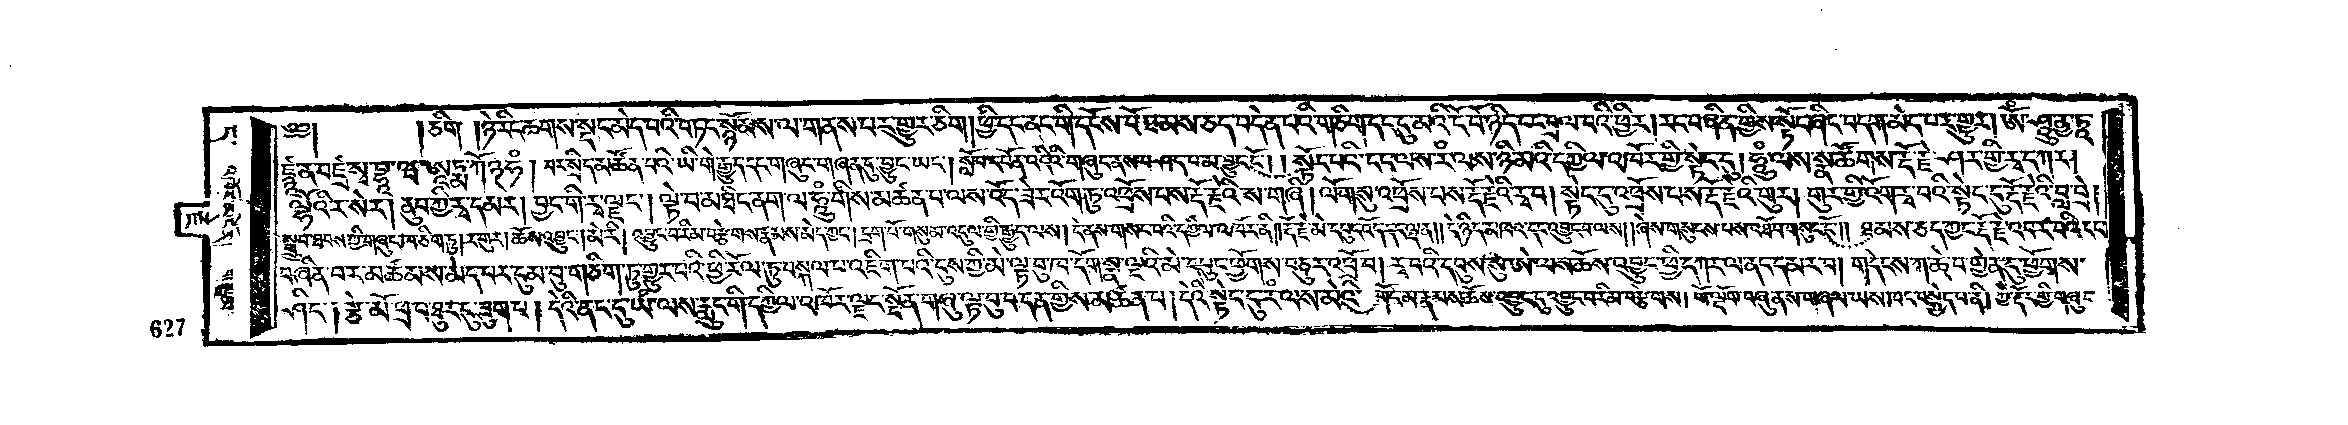༄༅། །ཅིག །ཉེ་རིང་ཆགས་སྡང་མེད་པའི་བཏང་སྙོམས་ལ་གནས་པར་གྱུར་ཅིག །ཕྱི་དང་ནང་གི་དངོས་པོ་ཐམས་ཅད་བདེན་པའི་གཅིག་དང་དུ་མའི་ངོ་བོ་ཉིད་དང་བྲལ་བའི་ཕྱིར། རང་བཞིན་གྱིས་སྟོང་ཞིང་བདག་མེད་པར་གྱུར། །ཨོཾ་ཤཱུ་ནྱ་ཏཱ་
ཛྙཱ་ན་བཛྲ་སྭ་བྷཱ་ཝ་ཨཱཏྨ་ཀོཉཧཾ། བར་སྲིད་མཚོན་པའི་ཡི་གེ་རྒྱུད་དང་གཞུང་གཞན་དུ་བྱུང་ཡང་། སློབ་དཔོན་འདིའི་གཞུང་ནས་བཤད་པ་མ་བྱུང་ངོ། །སྟོང་པའི་ངང་ལས་རཾ་ལས་ཉི་མའི་དཀྱིལ་འཁོར་གྱི་སྟེང་དུ། ཧཱུཾ་ལས་སྣ་ཚོགས་རྡོ་རྗེ་ཤར་གྱི་རྭ་དཀར།
ལྷོའི་ར་སེར། ནུབ་ཀྱི་རྭ་དམར། བྱང་གི་རྭ་ལྗང་། ལྟེ་བ་མཐིང་ནག་ལ་ཧཱུཾ་གིས་མཚན་པ་ལས་འོད་ཟེར་འོག་ཏུ་འཕྲོས་པས་རྡོ་རྗེའི་ས་གཞི། ལོགས་སུ་འཕྲོས་པས་རྡོ་རྗེའི་རྭ་བ། སྟེང་དུ་འཕྲོས་པས་རྡོ་རྗེའི་གུར། གུར་གྱི་འོག་རྭ་བའི་སྟེང་དུ་རྡོ་རྗེའི་བླ་བྲེ།
སྒྲུབ་ཐབས་ཀྱི་གཞུང་ཁ་ཅིག་ཏུ། ར་གུར། ཆོས་འབྱུང་། མེ་རི། འབྱུང་བ་རིམ་བརྩེགས་རྣམས་མེད་ཀྱང་། དྲག་པོ་གསུམ་འདུལ་གྱི་རྒྱུད་ལས། དེ་ནས་གསང་བའི་དཀྱིལ་འཁོར་ནི། །རྡོ་རྗེ་མེ་དཔུང་འོད་དང་ལྡན། །དེ་ཉིད་མཁའ་དང་འབྱུང་བ་ལས། །ཞེས་གསུངས་པས་འཐོབ་གསུང་ངོ། །ཐམས་ཅད་ཀྱང་རྡོ་རྗེ་འབར་བའི་རང་
བཞིན་བར་མཚམས་མེད་པར་དུམ་བུ་གཅིག་ཏུ་གྱུར་པའི་ཕྱི་རོལ་ཏུ་བསྐལ་པ་འཇིག་པའི་དུས་ཀྱི་མེ་ལྟ་བུ་ཁ་དོག་སྣ་ལྔའི་མེ་དཔུང་ཕྱོགས་བཅུར་འཕྲོ་བ། རྭ་བའི་དབུས་སུ་ཨེ་ལས་ཆོས་འབྱུང་ཕྱི་དཀར་ལ་ནང་དམར་བ། གདེངས་ཀ་ཆེ་བ་གྱེན་དུ་ཕྱོགས་
ཤིང་། རྩེ་མོ་ཕྲ་བ་ཐུར་དུ་ཟུག་པ། དེའི་ནང་དུ་ཡཾ་ལས་རླུང་གི་དཀྱིལ་འཁོར་ལྗང་སྔོན་གཞུ་ལྟ་བུ་བ་དན་གྱིས་མཚན་པ། དེའི་སྟེང་དུ་རཾ་ལས་མེའི་གོང་མ་རྣམས་ཆོས་འབྱུང་དུ་འབྱུང་བ་རིམ་བརྩེགས། གོ་ལྡོག་བཞུ་ནས་གཞལ་ཡས་ཁང་བསྐྱེད་པ་ནི། ཀྱཻ་རྡོར་གྱི་གཞུང་